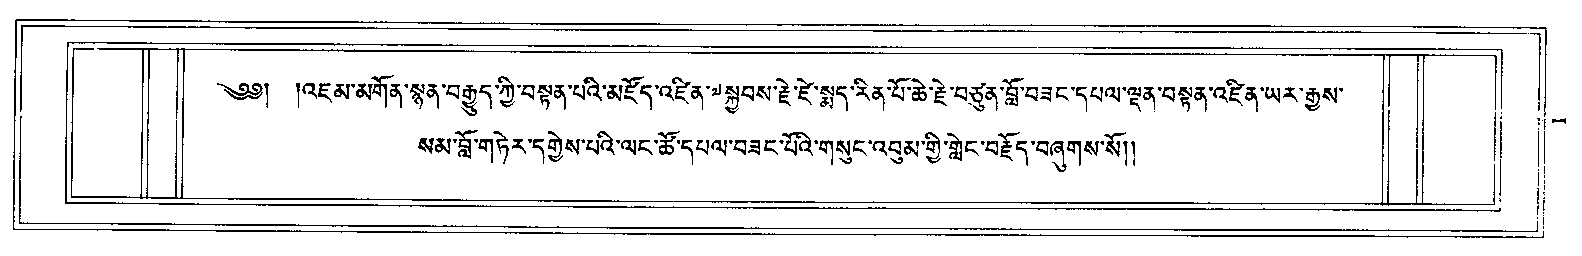༄༅། །འཇམ་མགོན་སྙན་བརྒྱུད་ཀྱི་བསྟན་པའི་མཛོད་འཛིན་༧་སྐྱབས་རྗེ་ཛེ་སྨད་རིན་པོ་ཆེ་རྗེ་བཙུན་བློ་བཟང་དཔལ་ལྡན་བསྟན་འཛིན་ཡར་རྒྱས་
སམ་བློ་གཏེར་དགྱེས་པའི་ལང་ཚོ་དཔལ་བཟང་པོའི་གསུང་འབུམ་གྱི་གླེང་བརྗོད་བཞུགས་སོ།།